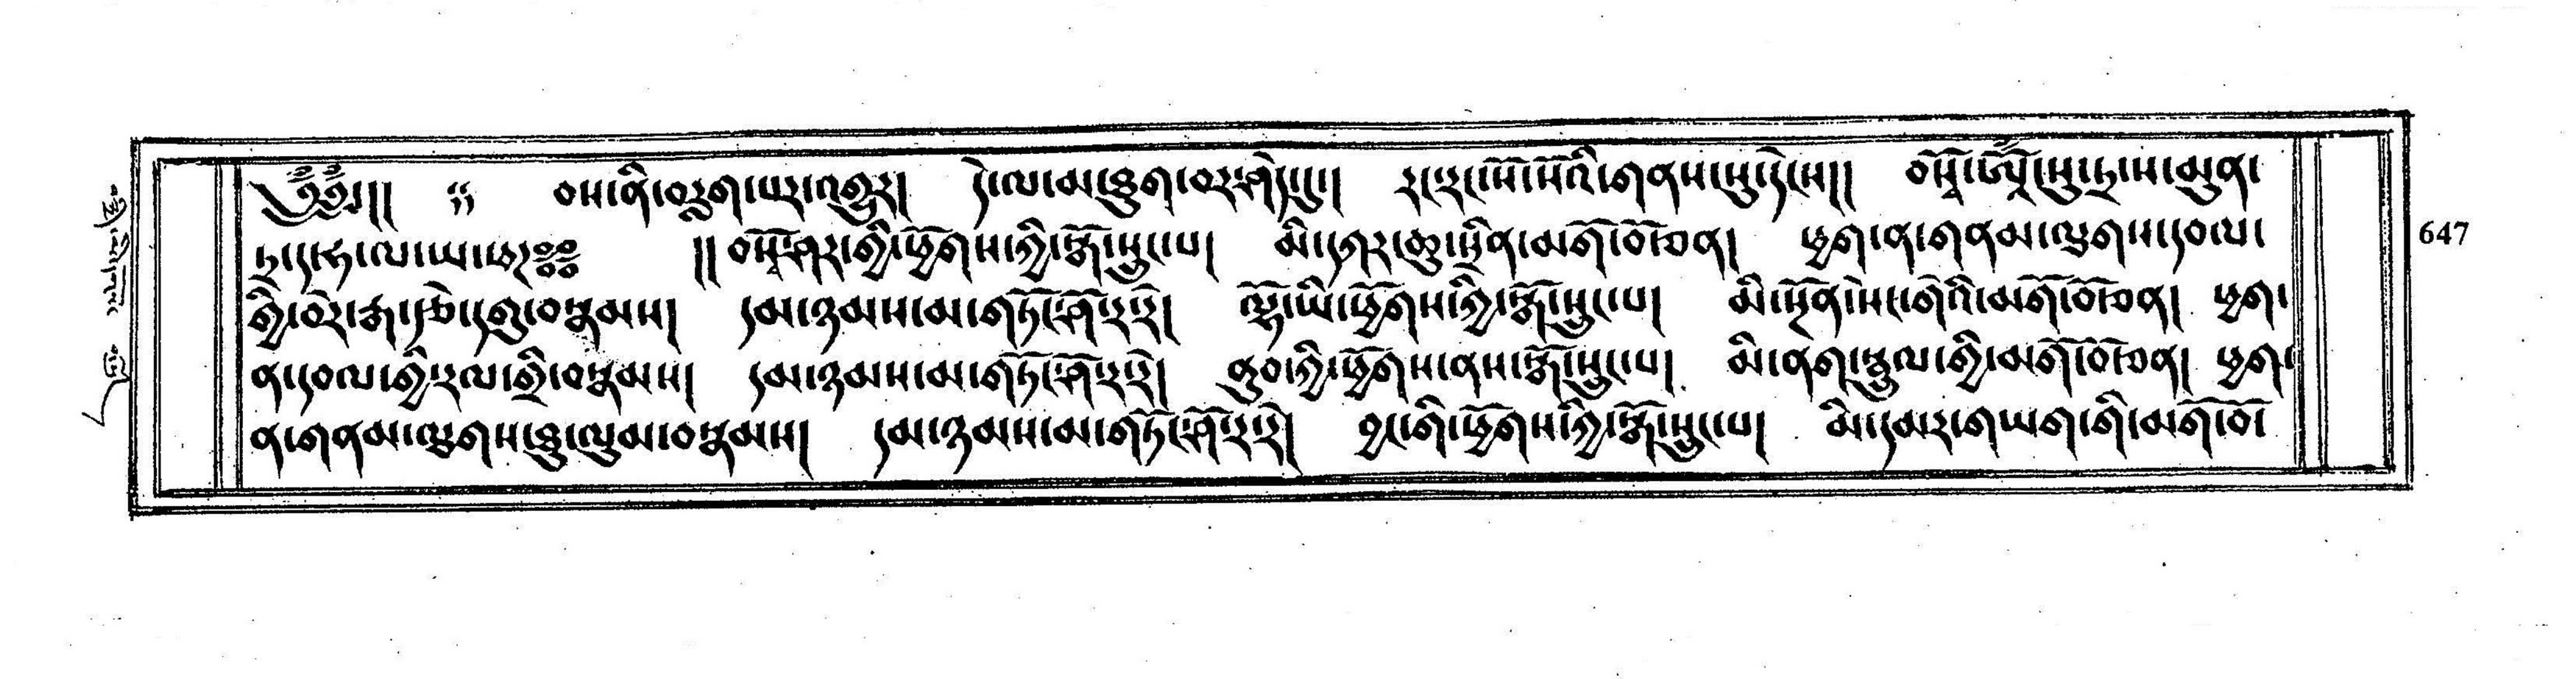བས་ནི་བརླག་པར་འགྱུར། དེ་ལ་མ་ཐུག་བར་ཤེད་དུ། རང་རང་སོ་སོའི་གནས་སུ་དེངས།། བསྭོ་ཨཱོཾ་སུ་ཏྲ་ས་མུན་
ཏྲ་ད་ཧ་ལ་ཡ་ཕཊ༔༔ །།བསྭོ་ཤར་གྱི་ཕྱོགས་ཀྱི་སྒོ་སྲུང་པ། མི་དཀར་ཆུ་སྲིན་མགོ་བོ་ཅན། ཕྱག་ན་གནམ་ལྕགས་དབལ་
གྱི་བེར་རྒ་རྩེ་དགུ་བསྣམས། དམ་ཉམས་མ་གཏོང་ཤོ་ར་རེ། ལྷོ་ཡི་ཕྱོགས་ཀྱི་སྒོ་སྲུང་པ། མི་སྔོན་སེང་གེའི་མགོ་བོ་ཅན། ཕྱག་
ན་དབལ་གྱི་རལ་གྲི་བསྣམས། དམ་ཉམས་མ་གཏོང་ཤོ་ར་རེ། ནུབ་ཀྱི་ཕྱོགས་ནས་སྒོ་སྲུང་པ། མི་ནག་སྦྲུལ་གྱི་མགོ་བོ་ཅན། ཕྱག་
ན་གནམ་ལྕགས་ཐུ་ལུམ་བསྣམས། དམ་ཉམས་མ་གཏོང་ཤོ་ར་རེ། བྱང་གི་ཕྱོགས་ཀྱི་སྒོ་སྲུང་པ། མི་དམར་གཡག་གི་མགོ་བོ་